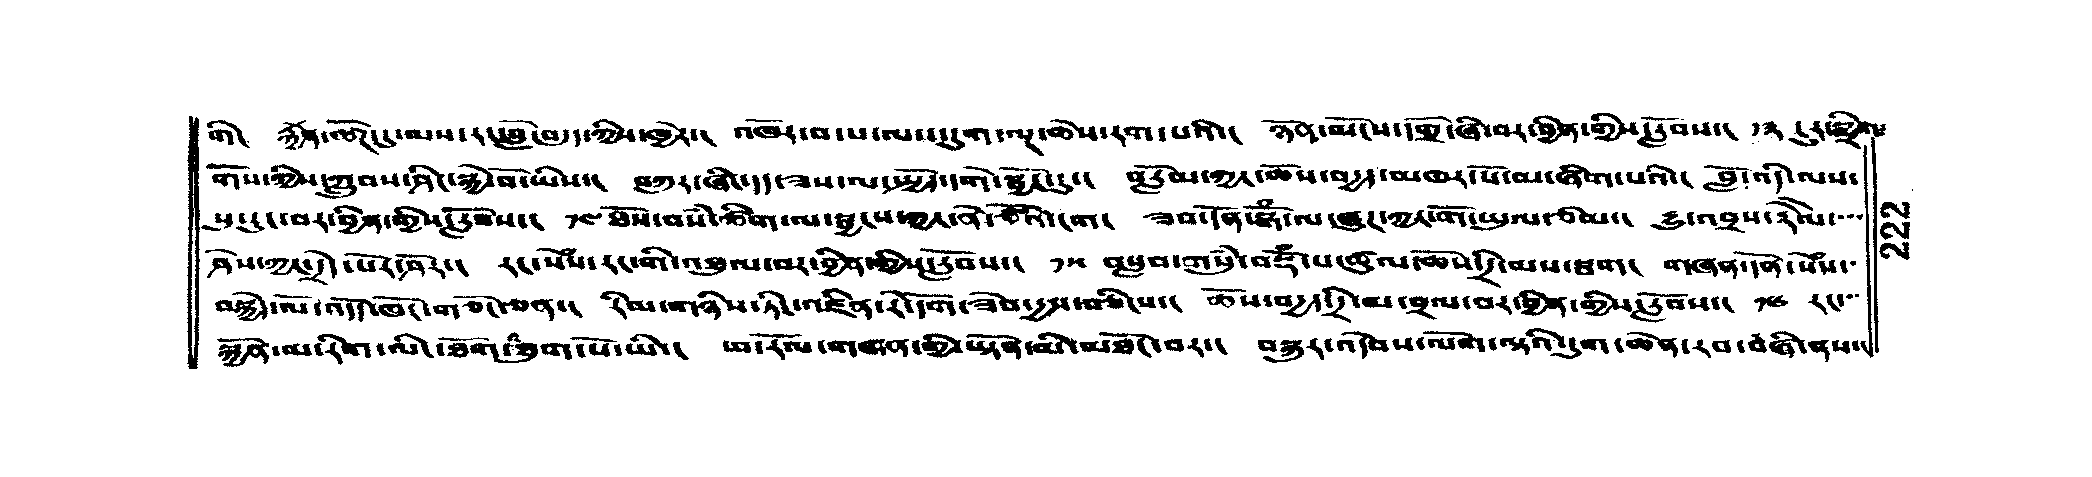གི། །རྐྱེན་ཚོགས་དུ་མས་རང་བློ་བདུད་ཀྱིས་ཁྱེར། །འཁོར་བ་པ་ལས་དུག་ལྔ་ཆེས་རགས་པའི། །ཉོན་མོངས་དགྲ་བོ་ཞི་བར་བྱིན་གྱིས་རློབས། ༡༣ །ངུར་སྨྲིག་
གོས་ཀྱིས་ཀླུབས་ཤིང་སྐྱེ་བོ་ཡིས། །བཀུར་ཞིང་དད་ཟས་ལ་སྤྱོད་དགེ་སྦྱོང་དུ། །བརློམ་ཀྱང་ཆོས་བརྒྱད་མཁར་སོ་མ་ཞིག་པའི། །བློ་འདི་ལས་
སུ་རུང་བར་བྱིན་གྱིས་རློབས།༡༤ །ཐོས་བསམ་ཚིག་ལ་སྦྱངས་ཀྱང་ནེ་ཙོའི་ངག །ཟབ་དོན་སྒོམ་ལ་ཞུགས་ཀྱང་གོ་ཡུལ་ཙམ། །རྒྱུ་འབྲས་རྟེན་འབྲེལ་
ཤེས་ཀྱང་དྲེད་པོར་ཤོར། །རང་སེམས་རང་གི་འཐུལ་བར་བྱིན་གྱིས་རློབས། ༡༥ །བསླབ་གསུམ་སྡོམ་པ་ཚུལ་ཆོས་དྲི་མས་སྦགས། །གཞན་དོན་སེམས་
བསྐྱེད་ལོ་འདོད་ཁོང་གཅོང་ཅན། །རིམ་གཉིས་ཏིང་འཛིན་རེ་དོགས་ཟེབ་རྒྱས་བཅིངས། །ཆོས་བརྒྱད་དྲི་མ་བྲལ་བར་བྱིན་གྱིས་རློབས། ༡༦ །རང་
སྐྱོན་མ་རིག་ལིང་ཐོག་འཐུག་པོ་ཡིས། །ཕ་རོལ་གཞན་གྱི་ཡོན་ཏན་མི་མཐོང་བར། །བསྐུར་འདེབས་ལོག་ལྟའི་དུག་ཆེན་རབ་ཞི་ནས།